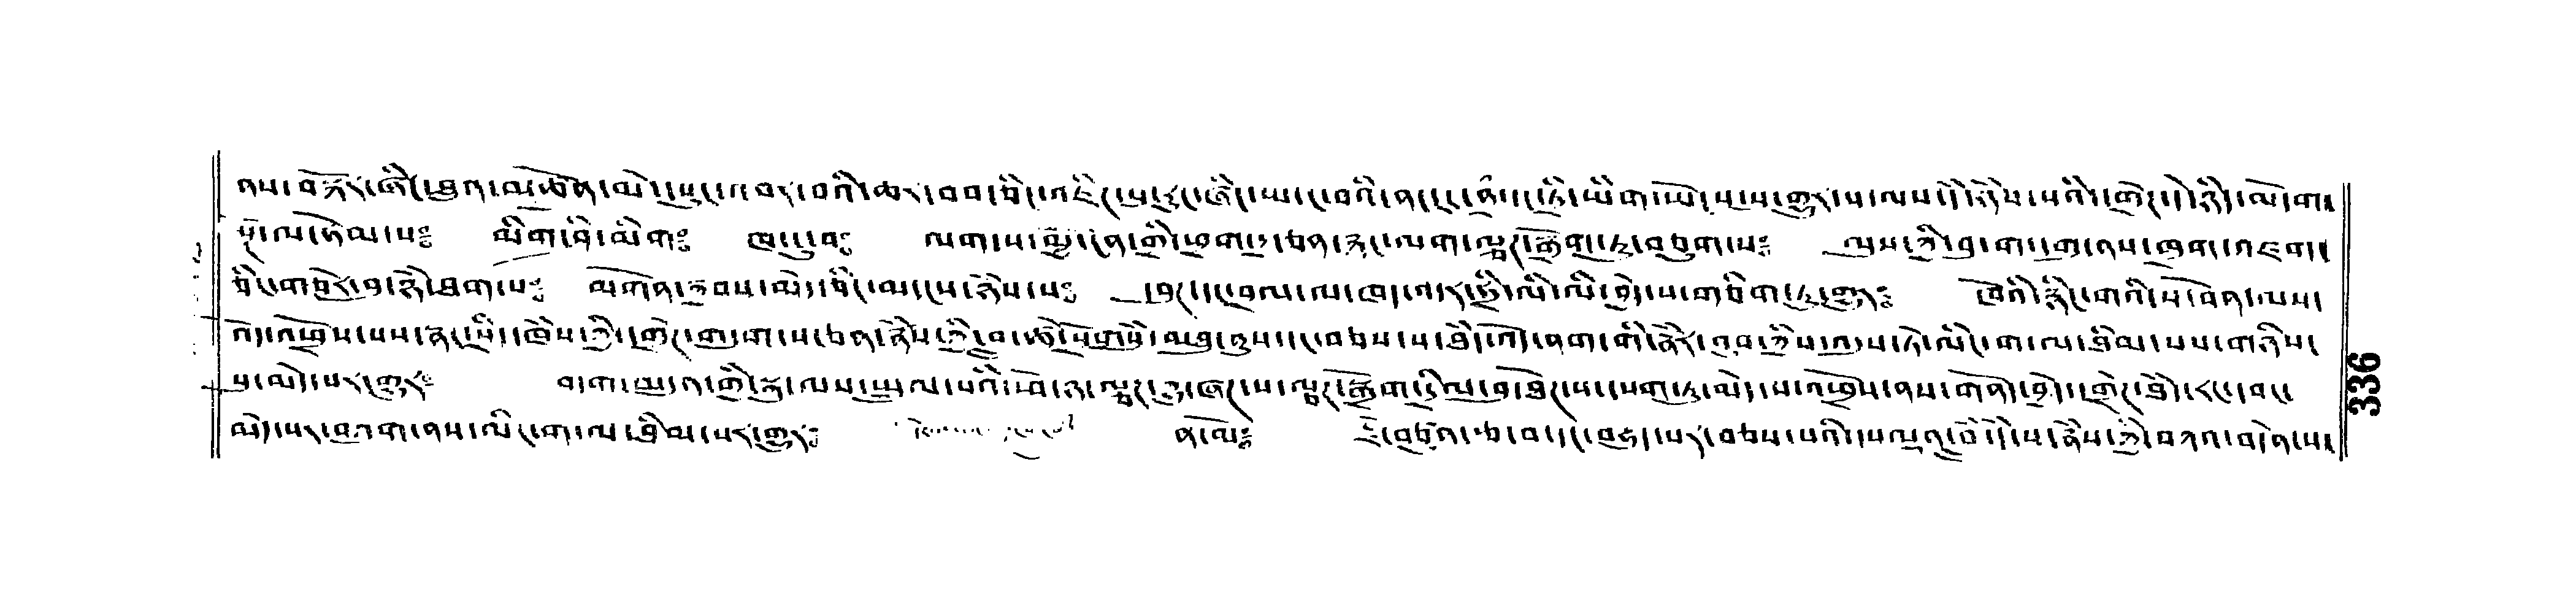ནས་བསྐོར་ཞིང་ཐུན་མཚོན་མེ་དཔུང་འབར་བའི་ཆར་བབ་ཅིང་འཇིགས་སུ་རུང་ཞིང་ཡ་ང་བའི་ནང་དུ་ནྲྀ་དང་ཏྲི་ཡིག་ཡོངས་སུ་གྱུར་པ་ལས་དམ་ཉམས་པའི་དགྲ་བགེགས་དེ་ཉིད་མདོག་
སྔོ་ལ་ཧམ་པ༔ མིག་ཤི་མིག༔ ཁ་ངུ་བ༔ ལག་པ་མྱ་ངན་གྱི་ཕྱག་རྒྱ་ཅན་རྐང་ལག་ལྕགས་སྒྲོག་ཏུ་བཅུག་པ༔ ལུས་ཀྱི་བུ་ག་དགུ་ནས་ཁྲག་འཛག་
ཅིང་གཅེར་བུ་ཉམས་ཐག་པ༔ མགོན་སྐྱབས་མེད་ཅིང་མདངས་ཉམས་པ༔ དབུགས་དང་བྲལ་ལ་ཁད་འདར་ཧྲི་ལི་ལི་བྱེད་པ་གཅིག་ཏུ་གྱུར༔ ཁོའི་སྙིང་གའི་ས་བོན་ལས་
འོད་འཕྲོས་པས་སྣང་སྲིད་ཁམས་ཀྱི་དགྲ་བགེགས་གདུག་པ་ཅན་རྣམས་ཀྱི་བླ་ཚེ་སྲོག་གསུམ་མཐུ་ནུས་དང་བཅས་པ་ཐམས་ཅད་འོད་ནག་གི་རྣམ་པར་འུབ་ཀྱིས་འདུས་ཏེ་ལིང་ག་ལ་ཐིམ་པས་གཉིས་
སུ་མེད་པར་གྱུར༔བདག་མདུན་གྱི་སྐུ་ལས་སྤྲུལ་པའི་ཕོ་ཉ་ལྕགས་ཀྱུ་ཞགས་པ་ལྕགས་སྒྲོག་དྲིལ་བུ་ཐོགས་པ་དཔག་ཏུ་མེད་པ་འཕྲོས་ནས་གནོད་བྱེད་དགྲ་བགེགས་ཐམས་ཅད་རང་དབང་
མེད་པར་བཀུག་ནས་ལིང་ག་ལ་ཐིམ་པར་གྱུར༔ དེ་ནས་འགུགས་པ་ནི༔ ན་མོ༔ རྗེ་བཙུན་རྩ་བ་དང་བརྒྱུད་པར་བཅས་པའི་དཔལ་ལྡན་བླ་མ་དམ་པ་རྣམས་ཀྱི་བཀའ་བདེན་པ་